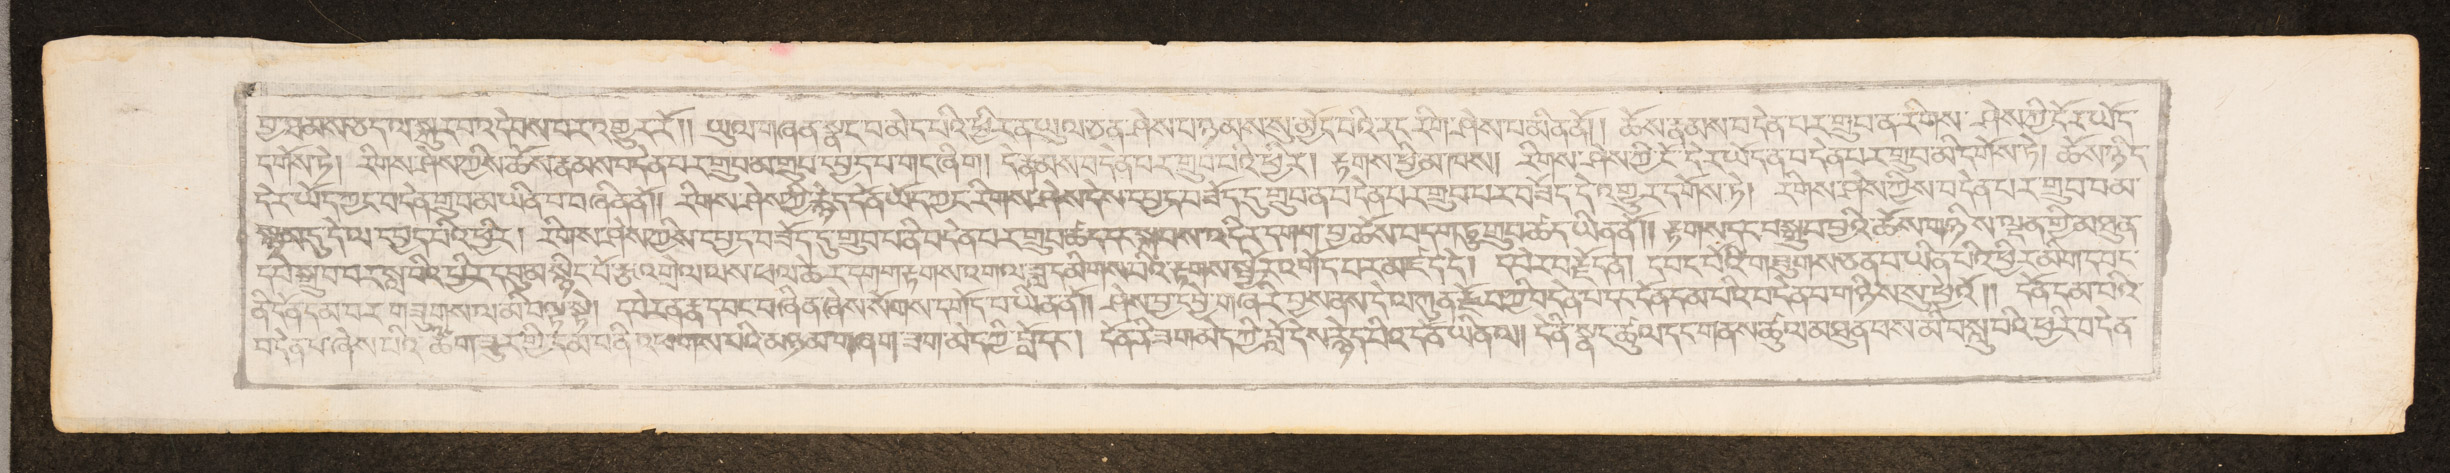བྱ་ཐམས་ཅད་ལ་སྐུར་བ་འདེབས་པར་འགྱུར་རོ། །ཡུལ་གཞན་སྣང་བ་མེད་པའི་ཕྱིར་ན་ཡུལ་ཅན་ཤེས་པ་ཉམས་སུ་མྱོང་བའི་རང་རིག་ཤེས་པ་མིན་ནོ། །ཆོས་རྣམས་བདེན་པར་གྲུབ་ན་རིགས་ཤེས་ཀྱི་ངོར་ཡོད་
དགོས་ཏེ། རིགས་ཤེས་ཀྱིས་ཆོས་རྣམས་བདེན་པར་གྲུབ་མ་གྲུབ་དཔྱད་པ་གང་ཞིག། དེ་རྣམས་བདེན་པར་གྲུབ་པའི་ཕྱིར། རྟགས་ཕྱི་མ་ཁས། རིགས་ཤེས་ཀྱི་ངོ་དེར་ཡོད་ན་བདེན་པར་གྲུབ་མི་དགོས་ཏེ། ཆོས་ཉིད་
དེར་ཡོད་ཀྱང་བདེན་གྲུབ་མ་ཡིན་པ་བཞིན་ནོ། །རིགས་ཤེས་ཀྱི་རྙེད་དོན་ཡོད་ཀྱང་རིགས་ཤེས་དེས་དཔྱད་བཟོད་དུ་གྲུབ་ན་བདེན་པར་གྲུབ་པར་བཟོད་དེ་འགྱུར་དགོས་ཏེ། རིགས་ཤེས་ཀྱིས་བདེན་པར་གྲུབ་བམ་
སྙམ་དུ་དེ་ལ་དཔྱད་པའི་ཕྱིར། རིགས་ཤེས་ཀྱི་དཔྱད་བཟོད་དུ་གྲུབ་པ་ནི་བདེན་པར་གྲུབ་ཚད་དང་སྐབས་འདིར་དགག་བྱ་ཆོས་བདག་ཏུ་གྲུབ་ཚད་ཡིན་ནོ། །རྟགས་དང་བསྒྲུབ་བྱའི་ཆོས་གཉིས་ལྡན་གྱི་མཐུན་
དཔེ་སྒྲུབ་པར་སླ་བའི་ཕྱིར་དབུ་མ་སྙིང་པོ་རྩ་འགྲེལ་ལས་ཕལ་ཆེར་དགག་རྟགས་འགལ་ཟླ་དམིགས་པའི་རྟགས་སྦྱོར་འགོད་པར་མཛད་དེ། དཔེར་བརྗོད་ན། དབང་པོའི་གཟུགས་ཅན་པ་ཡིན་པའི་ཕྱིར་མིག་དབང་
ནི་དོན་དམ་པར་གཟུགས་ལ་མི་བལྟ་སྟེ། དཔེར་ན་རྣ་དབང་བཞིན་ཞེས་སོགས་དགོད་པ་ཡིན་ནོ། །ཤེས་བྱ་དབྱེ་གཞིར་བྱས་ནས་དེ་ལ་ཀུན་རྫོབ་ཀྱི་བདེན་པ་དང་དོན་དམ་པའི་བདེན་པ་གཉིས་སུ་ཕྱེའོ། །དོན་དམ་པའི་
བདེན་པ་ཞེས་པའི་ཚིག་ཟུར་གྱི་དམ་པ་ནི་འཕགས་པའི་མཉམ་གཞག་ཟག་མེད་ཀྱི་བློ་དང་། དོན་ནི་ཟག་མེད་ཀྱི་བློ་དེས་རྙེད་པའི་དོན་ཡིན་ལ། དེ་ནི་སྣང་ཚུལ་དང་གནས་ཚུལ་མཐུན་པས་མི་བསླུ་བའི་ཕྱིར་བདེན་